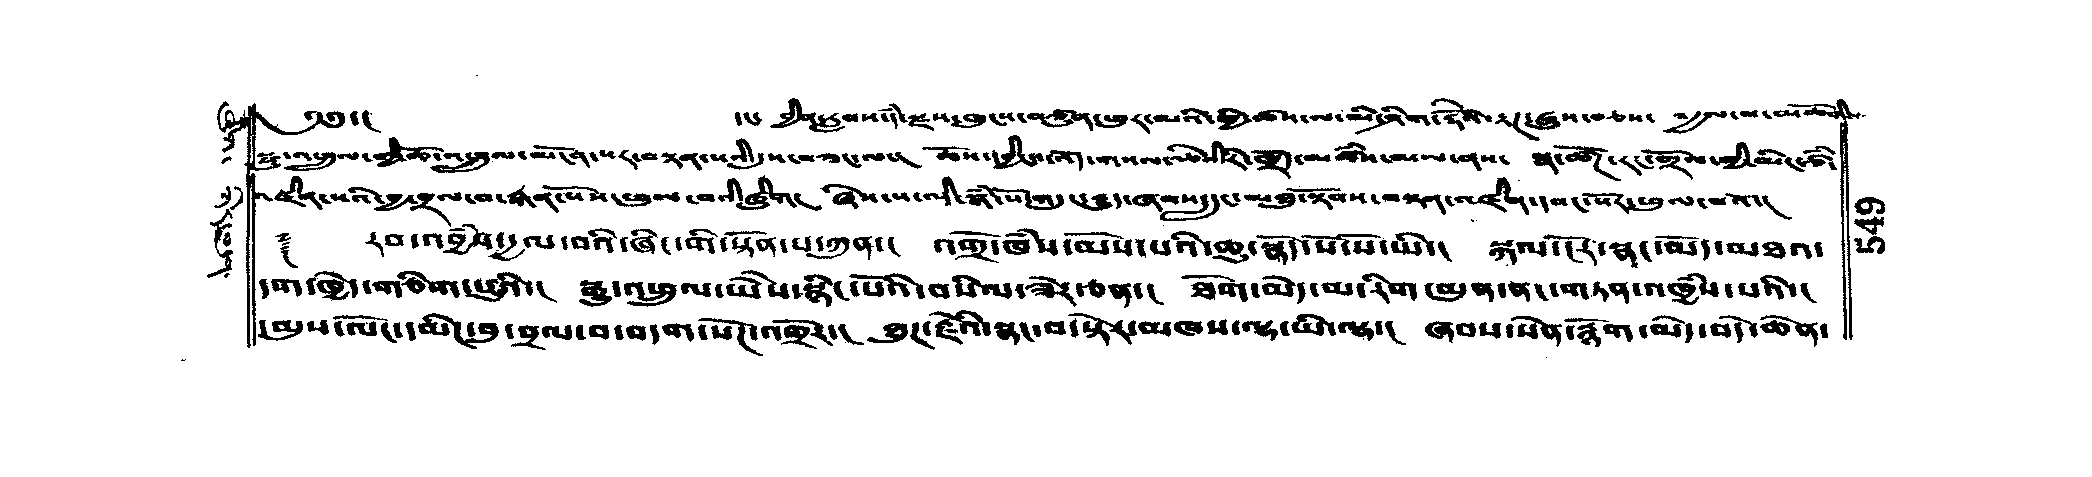དང་། བྱིན་རླབས་དམ་རྫས་ཁུངས་བཙུན་ཕུར་མའི་ཕྱི་ཚས་ལ་མི་བཤིག་རྡོ་རྗེའི་རྟགས་ཞུས་བཅས། རྒྱལ་བ་མཆོག་
གིས་རྫུ་འཕྲུལ་གྱི་ཆོ་འཕྲུལ་མངོན་པར་བསྟན་པའི་དུས་བཟང་ལ། ཆོས་དབྱིངས་འོད་གསལ་རྩའི་རི་ཁྲོད་མཚམས་མལ་ནས། སྣ་ཚོགས་རང་གྲོལ་གྱི་མིང་ཙམ་
འཛིན་པའི་བྱ་བྲལ་བ་རྒན་པོས་ཕུལ་བའི་ཞུ་ཡིག། ཅེས་པ་འདི་སྒམ་པོ་གདུང་བརྒྱུད་ཞབས་དྲུང་མཐུ་སྟོབས་བསྟན་འཛིན་དབང་པོར་ཕུལ་བའོ།། 
༈ རབ་འབྱམས་རྒྱལ་བའི་ཞིང་གི་སྟོན་པ་ཀུན། །འགྲོ་ཁམས་མོས་པའི་ཆུ་སྣོད་སོ་སོ་ཡི། །སྐལ་ངོར་སྣང་མོད་མཐའ་
དག་ཁྱེད་གཅིག་པུའི། །སྒྱུ་འཕྲུལ་ཡེ་ཤེས་སྙིང་པོའི་བསིལ་ཟེར་ཅན། །ཐོག་མེད་མ་རིག་མུན་ནང་གཏན་འཁྱམས་པའི། །
དམུས་ལོང་དམིགས་བུ་བྲལ་བ་བདག་སོགས་འགྲོར། །ཐུགས་རྗེའི་སྣང་བ་སྟེར་མཁས་ལྷ་ཡི་ལྷ། །ཞབས་སེན་རྙོག་མེད་བདེ་ཆེན་